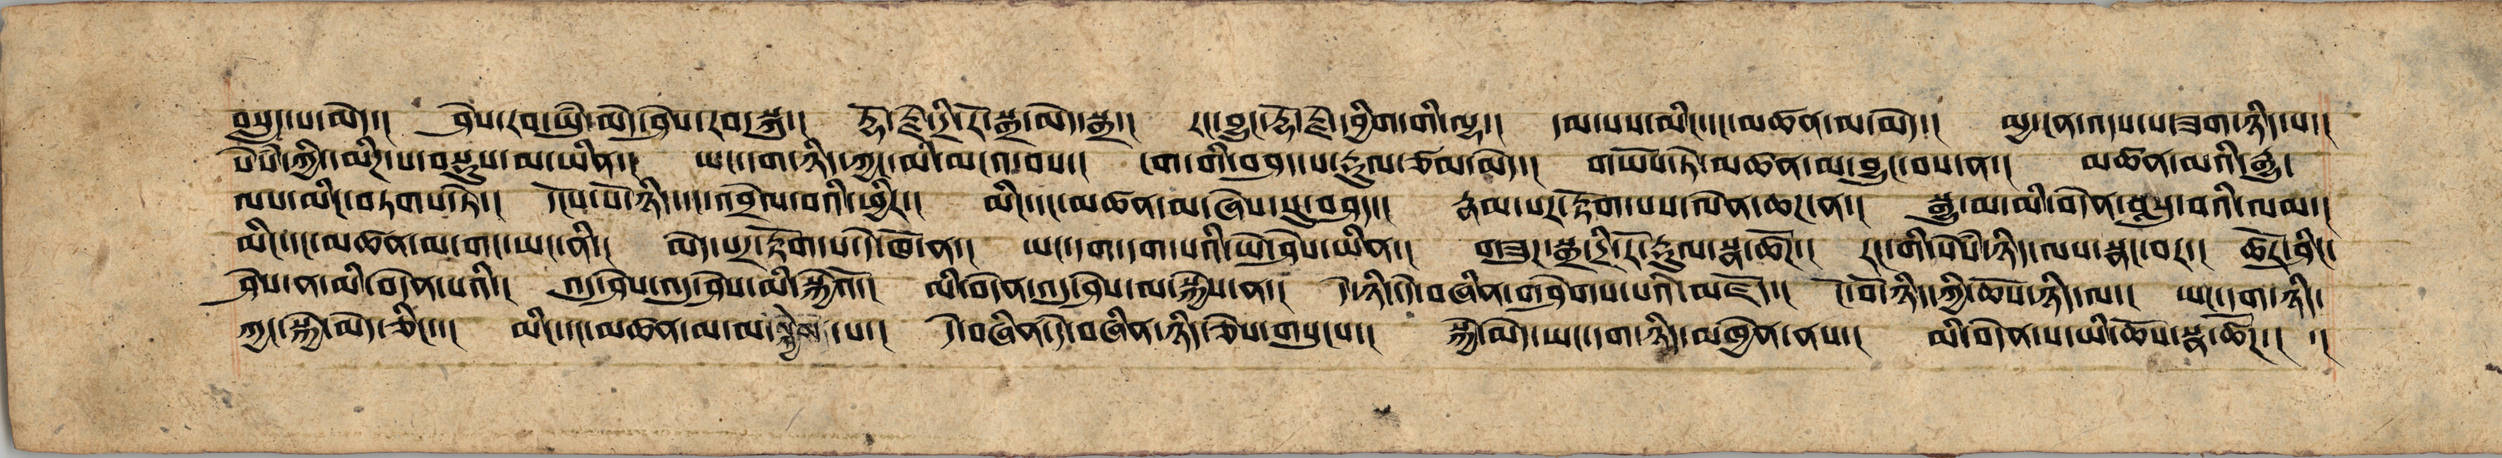བསླད་པ་མེད་། ཤེས་རབ་ཡུཾ་མེད་ཤེས་རབ་སྐུ་། རྡོ་རྗེ་དྲི་རོ་སྒྲ་མེད་སྒྲ་། རང་བྱུང་རྡོ་རྗེ་དབྱིག་གི་ལྷ་། དམ་པས་མིང་དང་མཚན་མ་མེད་། མྱ་ངན་འདས་པ་ཟག་ཉིད་པ་།
སེཾས་ཀྱི་དམིཌ་པ་བསྡུས་མ་ཡིན་། ཡང་དག་ཉིད་ཀྱང་མི་མངའ་བས་། ངག་གི་བཤད་པ་རྡུལ་ཙམ་མེད་། གཡོས་ཏེ་མཚན་མ་བྱུང་བས་ན་། མཚན་མའི་རྒྱུ་
ལས་མིང་བཏགས་ཏེ་། དངོས་པོ་ཉིད་དང་འབྲེལ་བའི་ཕྱིར་། མིང་དང་མཚན་མ་ཞེས་སུ་བཤད་། རྣམ་པར་རྟོག་པས་ལེན་ཆཌ་ན་། སྒྱུ་མ་མི་བདེན་བསླུ་བའི་ལམ་།
མིང་དང་མཚན་མ་གང་ཡང་ནི་། མེད་པར་རྟོག་པ་དེ་ཁོ་ན་། ཡང་དག་དག་པའི་ཡེ་ཤེས་ཡིན་། གཟུཌ་སྒྲ་དྲི་རོ་རྡུལ་སྣ་ཚོཌ་། རང་གི་སེཾས་ཉིད་ལས་སྣང་བར་། ཚོར་ཤིང་
ཤེས་ན་མི་བདེན་པའི་། འདུ་ཤེས་འདུ་ཤེས་མི་སྐྱེའོ་། ལཾ་བདེན་འདུ་ཤེས་མ་སྐྱེས་ན་། དེ་ཉིད་དེ་བཞིན་གཤེགས་པའི་མཛོད་། ངོ་བོ་ཉིད་ཀྱི་ཆོས་ཉིད་ལ་། ཡང་དག་ཉིད་
ཀྱང་སྐྱེ་མེད་ཅིང་་། མིང་དང་མཚན་མ་མ་སྐྱེས་པ་། དེ་བཞིན་དེ་བཞིན་ཉིད་ཅེས་གསུངས་། སྐྱེ་མེད་ཡང་དག་ཉིད་མཁྱེན་ནས་། མི་བདེན་པ་ཡི་ཆོས་སྣ་ཚོཌ་། ་།